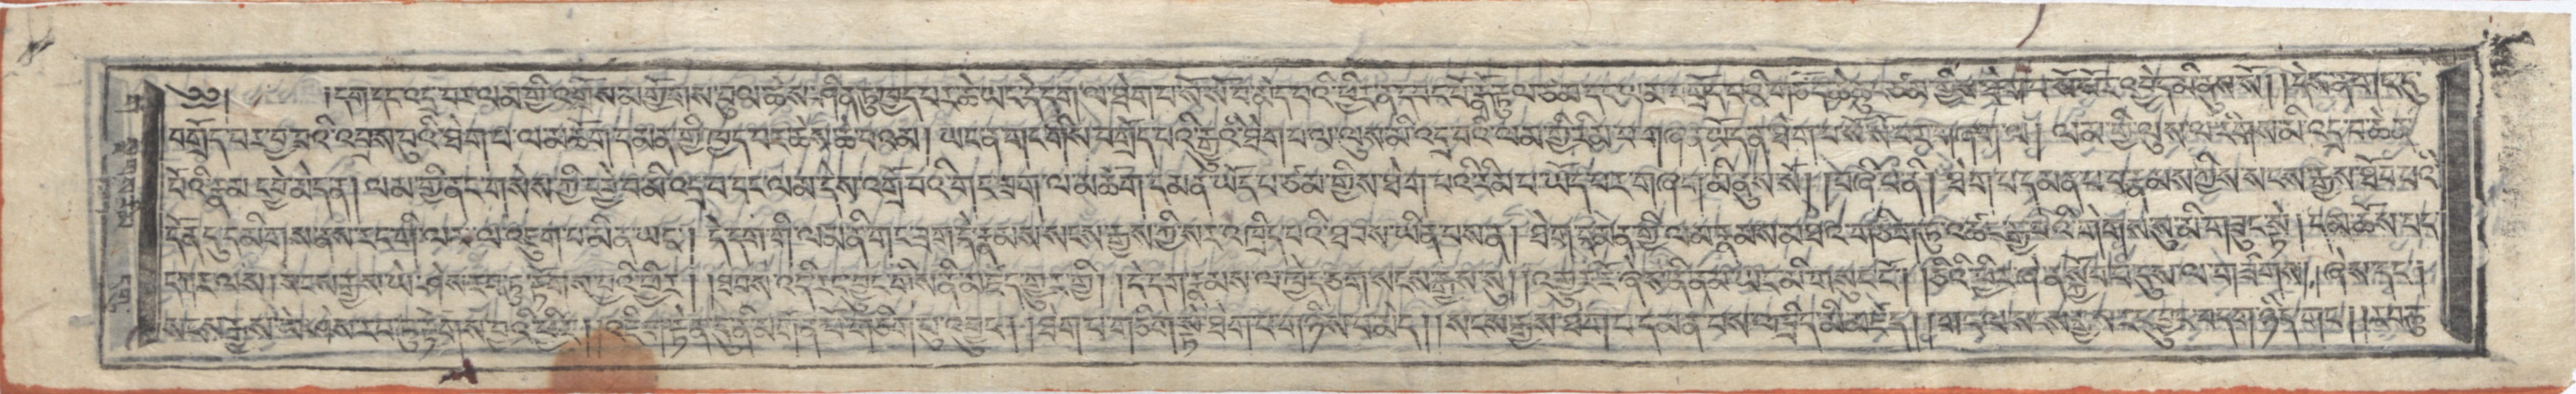༄༅། །དག་དང་འདྲ་བར་ལམ་གྱི་འགྲོས་མགྱོགས་བུལ་ཆེས་ཤིན་ཏུ་ཁྱད་པར་ཆེ་ཡང་དེ་དག་ལ་ཐེག་པ་སོ་སོ་བ་མེད་པའི་ཕྱིར་ན་དབང་པོ་རྣོ་རྟུལ་ཙམ་དང་ལམ་བགྲོད་པའི་གཅོད་ཆེ་ཆུང་ཙམ་གྱིས་ཐེག་པ་སོ་སོར་འབྱེད་མི་ནུས་སོ། །དེས་ན་གང་དུ་
བགྲོད་པར་བྱ་བའི་འབྲས་བུའི་ཐེག་པ་ལ་མཆོག་དམན་གྱི་ཁྱད་པར་ཆེས་ཆེ་བའམ། ཡང་ན་གང་གིས་བགྲོད་པའི་རྒྱུའི་ཐེག་པ་ལ་ལུས་མི་འདྲ་བའི་ལམ་གྱི་རིམ་པ་གཞན་ཡོད་ན་ཐེག་པ་སོ་སོ་བར་གཞག་ལ། ལམ་གྱི་ལུས་ལ་རིགས་མི་འདྲ་བ་ཆེན་
པོའི་རྣམ་དབྱེ་མེད་ན། ལམ་གྱི་ནང་གསེས་ཀྱི་དབྱེ་བ་མི་འདྲ་བ་དང་ལམ་དེས་འགྲོ་བའི་གང་ཟག་ལ་མཆོག་དམན་ཡོད་པ་ཙམ་གྱིས་ཐེག་པའི་རིམ་པ་ཡོད་པར་གཞག་མི་ནུས་སོ། །བཞི་པ་ནི། ཐེག་པ་དམན་པ་བ་རྣམས་ཀྱིས་སངས་རྒྱས་ཐོབ་པའི་
དོན་དུ་དམིགས་ནས་རང་གི་ལམ་ལ་འཇུག་པ་མིན་ཡང་། དེ་དག་གི་ལམ་ནི་གང་ཟག་དེ་རྣམས་སངས་རྒྱས་ཀྱི་སར་འཁྲིད་པའི་ཐབས་ཡིན་པས་ན། ཐེག་དམན་གྱི་ལམ་རྣམས་མཐའ་གཅིག་ཏུ་འཚང་རྒྱ་བའི་གེགས་སུ་མི་གཟུང་སྟེ། དམ་ཆོས་པད་
དཀར་ལས། སངས་རྒྱས་ཡེ་ཤེས་རབ་ཏུ་རྟོགས་བྱའི་ཕྱིར། །ཐབས་འདི་རང་བྱུང་གིས་ནི་མཛད་གྱུར་གྱི། །དེ་དག་རྣམས་ལ་ཁྱེད་ཅག་སངས་རྒྱས་སུ། །འགྱུར་རོ་ཞེས་ནི་ནམ་ཡང་མི་གསུང་ངོ། །ཅིའི་ཕྱིར་ཞེ་ན་སྐྱོབ་པ་དུས་ལ་གཟིགས། །ཞེས་དང་།
སངས་རྒྱས་ཡེ་ཤེས་རབ་ཏུ་རྟོགས་བྱའི་ཕྱིར། །འཇིག་རྟེན་དུ་ནི་མགོན་པོ་གཅིག་པུ་འབྱུང་། །ཐེག་པ་གཅིག་སྟེ་ཐེག་པ་གཉིས་པ་མེད། །སངས་རྒྱས་ཐེག་པ་དམན་པས་འཁྲིད་མི་མཛད། །གང་ལ་སངས་རྒྱས་རང་བྱུང་བདག་ཉིད་གང་། །རབ་ཏུ་